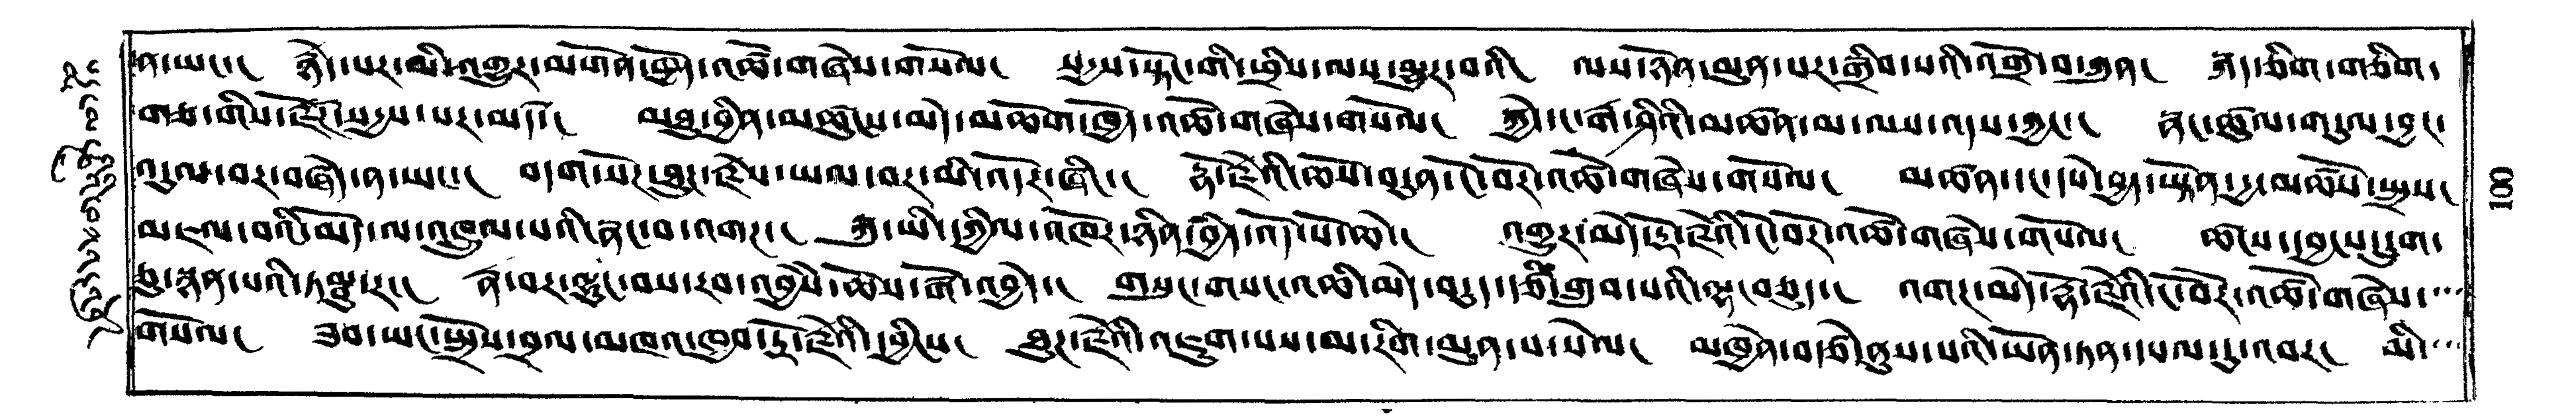ན་ཡང་། །རྙེད་པར་མི་འགྱུར་མགོན་ཁྱོད་འཚོ་གཞེས་གསོལ། སངས་རྒྱས་སྟོང་གི་ཕྲིས་ལས་རབ་མྱུར་བའི། །ལས་ཉོན་མུན་པས་སྒྲིབས་པའི་འགྲོ་བ་ཀུན། །སྐད་ཅིག་གཅིག་
གིས་རྫོགས་སངས་རྒྱས་པར་མཛད། །མཐུ་བྱིན་མཚུངས་མེད་མཆོག་ཁྱོད་འཚོ་གཞེས་གསོལ། སྐྱེ་དང་རྒ་ཤིའི་མཚན་མ་ལས་འདས་ཀྱང་། །སྣང་ཚུལ་གདུལ་བྱ་
འདུལ་བར་བཞེད་ན་ཡང་། །བདག་སོགས་ཐུགས་རྗེས་ཡལ་བར་མི་འདོར་ཞིང་། །རྡོ་རྗེའི་ཆོས་བདུན་ངོ་བོར་འཚོ་གཞེས་གསོལ། །མཚན་དང་དཔེ་བྱད་ཡོན་ཏན་རྒྱ་མཚོས་སྤྲས། །
མཇལ་བའི་མོད་ལ་འཁྲུལ་པའི་སྣང་བ་འགགས། །སྐུ་ཡི་དཀྱིལ་འཁོར་ཉིན་བྱེད་འོད་པོ་ཆེ། །འགྱུར་མེད་རྡོ་རྗེའི་ངོ་བོར་འཚོ་གཞེས་གསོལ། །ཚངས་དབྱངས་དྲུག་
ཅུ་སྙན་པའི་ཏམྦུ་ར། །རྣ་བར་ལྷུང་བས་རབ་འབྱམས་ཆོས་སྒོ་འབྱེད། །གསུང་གསང་འཆི་མེད་བདུད་རྩི་གྲུབ་པའི་བཅུད། །འགགས་མེད་རྡོ་རྗེའི་ངོ་བོར་འཚོ་གཞེས་
གསོལ། །ཟབ་ཡངས་སྤྲོས་བྲལ་མཁའ་ཁྱབ་རྡོ་རྗེའི་དབྱིངས། །ཐུགས་རྗེའི་འཇུག་པས་མ་རིག་མུན་པ་སེལ། །མཁྱེན་བརྩེ་ནུས་པའི་ཡོན་ཏན་དཔལ་དུ་འབར། །མི་